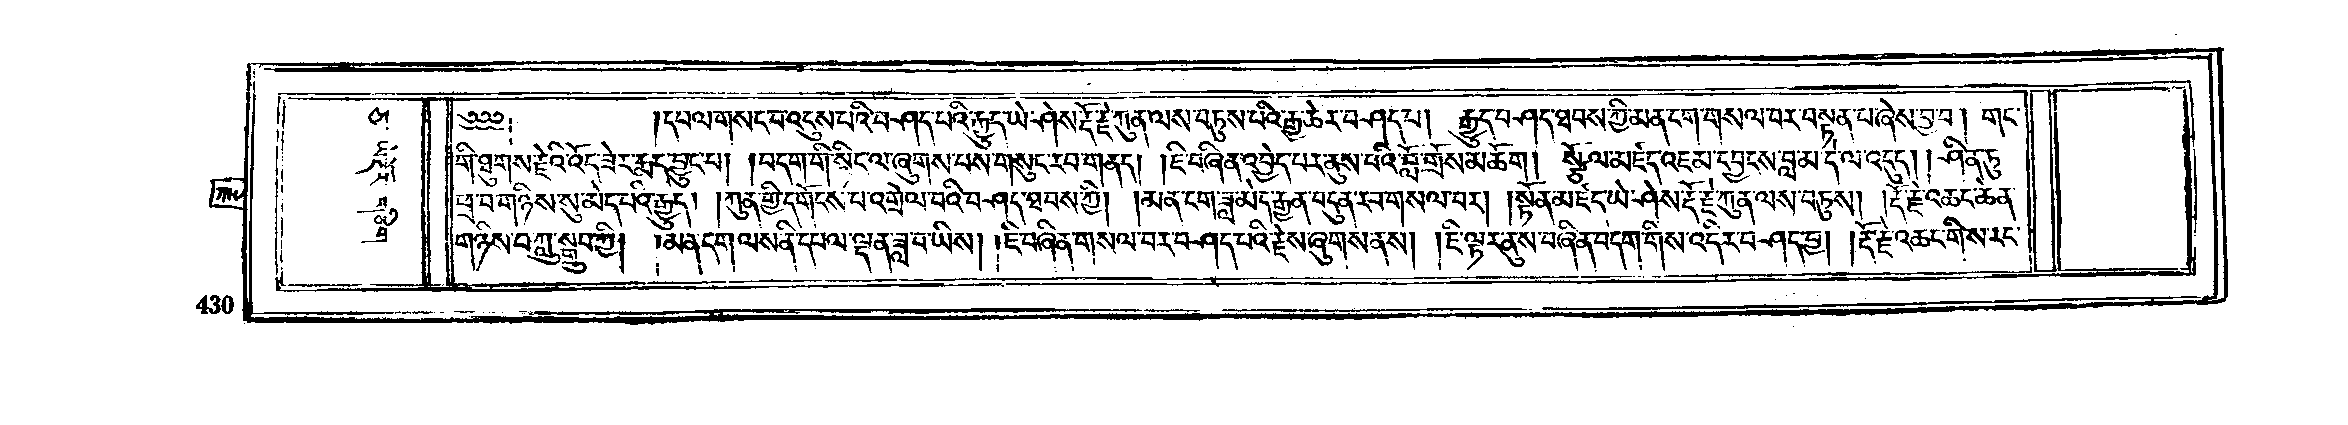༄༅༅། །དཔལ་གསང་བ་འདུས་པའི་བཤད་པའི་རྒྱུད་ཡེ་ཤེས་རྡོ་རྗེ་ཀུན་ལས་བཏུས་པའི་རྒྱ་ཆེར་བཤད་པ། རྒྱུད་བཤད་ཐབས་ཀྱི་མན་ངག་གསལ་བར་བསྟན་པ་ཞེས་བྱ་བ། གང་
གི་ཐུགས་རྗེའི་འོད་ཟེར་རྨད་བྱུང་པ། །བདག་གི་སྙིང་ལ་ཞུགས་པས་གསུང་རབ་གནད། །ཇི་བཞིན་འབྱེད་པར་ནུས་པའི་བློ་གྲོས་མཆོག །སྩོལ་མཛད་འཇམ་དབྱངས་བླ་མ་དེ་ལ་འདུད། །ཤིན་ཏུ་
ཕྲ་བ་གཉིས་སུ་མེད་པའི་རྒྱུད། །ཀུན་གྱི་དགོངས་པ་འགྲེལ་བའི་བཤད་ཐབས་ཀྱི། །མན་ངག་ཟླ་མེད་རྒྱན་བདུན་རབ་གསལ་བར། །སྟོན་མཛད་ཡེ་ཤེས་རྡོ་རྗེ་ཀུན་ལས་བཏུས། །རྡོ་རྗེ་འཆང་ཆེན་
གཉིས་པ་ཀླུ་སྒྲུབ་ཀྱི། །མན་ངག་ལས་ནི་དཔལ་ལྡན་ཟླ་བ་ཡིས། །ཇི་བཞིན་གསལ་བར་བཤད་པའི་རྗེས་ཞུགས་ནས། །ཇི་ལྟར་ནུས་བཞིན་བདག་གིས་འདིར་བཤད་བྱ། །རྡོ་རྗེ་འཆང་གིས་རང་